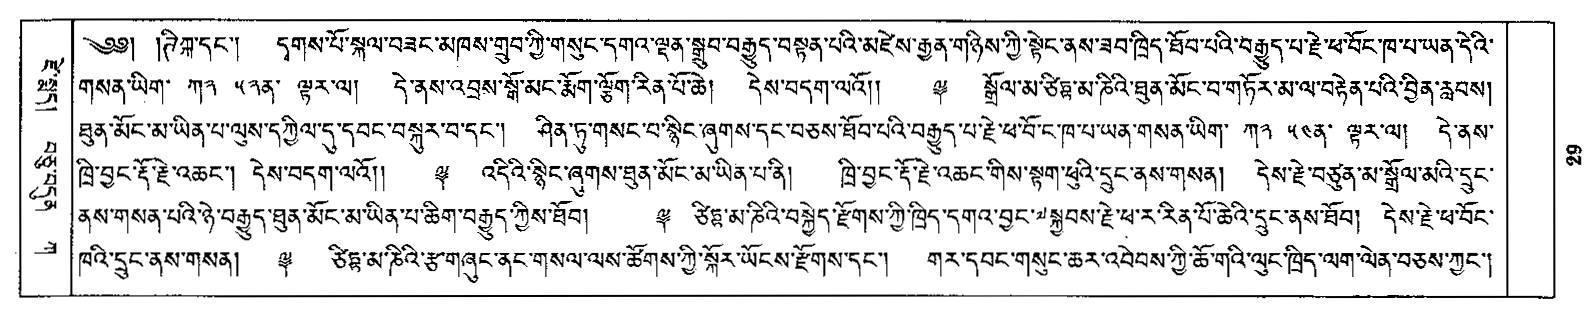༄༅། །ཊིཀྐ་དང་། དྭགས་པོ་སྐལ་བཟང་མཁས་གྲུབ་ཀྱི་གསུང་དགའ་ལྡན་སྒྲུབ་བརྒྱུད་བསྟན་པའི་མཛེས་རྒྱན་གཉིས་ཀྱི་སྟེང་ནས་ཟབ་ཁྲིད་ཐོབ་པའི་བརྒྱུད་པ་རྗེ་ཕ་བོང་ཁ་པ་ཡན་དེའི་
གསན་ཡིག་ཀ ༢ ༥༢་ན་ལྟར་ལ། དེ་ནས་འབྲས་སྒོ་མང་རྨོག་ལྕོག་རིན་པོ་ཆེ། དེས་བདག་ལའོ།། ༈ སྒྲོལ་མ་ཙིཏྟ་མ་ཎིའི་ཐུན་མོང་བ་གཏོར་མ་ལ་བརྟེན་པའི་བྱིན་རླབས།
ཐུན་མོང་མ་ཡིན་པ་ལུས་དཀྱིལ་དུ་དབང་བསྐུར་བ་དང་། ཤིན་ཏུ་གསང་བ་སྙིང་ཞུགས་དང་བཅས་ཐོབ་པའི་བརྒྱུད་པ་རྗེ་ཕ་བོང་ཁ་པ་ཡན་གསན་ཡིག་ཀ ༢ ༥༤་ན་ལྟར་ལ། དེ་ནས་
ཁྲི་བྱང་རྡོ་རྗེ་འཆང་། དེས་བདག་ལའོ།། ༈ འདིའི་སྙིང་ཞུགས་ཐུན་མོང་མ་ཡིན་པ་ནི། ཁྲི་བྱང་རྡོ་རྗེ་འཆང་གིས་སྟག་ཕུའི་དྲུང་ནས་གསན། དེས་རྗེ་བཙུན་མ་སྒྲོལ་མའི་དྲུང་
ནས་གསན་པའི་ཉེ་བརྒྱུད་ཐུན་མོང་མ་ཡིན་པ་ཆིག་བརྒྱུད་ཀྱིས་ཐོབ། ༈ ཙིཏྟ་མ་ཎིའི་བསྐྱེད་རྫོགས་ཀྱི་ཁྲིད་དགའ་བྱང་༧་སྐྱབས་རྗེ་ཕ་ར་རིན་པོ་ཆེའི་དྲུང་ནས་ཐོབ། དེས་རྗེ་ཕ་བོང་
ཁའི་དྲུང་ནས་གསན། ༈ ཙིཏྟ་མ་ཎིའི་རྩ་གཞུང་ནང་གསལ་ལས་ཚོགས་ཀྱི་སྐོར་ཡོངས་རྫོགས་དང་། གར་དབང་གསུང་ཆར་འབེབས་ཀྱི་ཆོ་གའི་ལུང་ཁྲིད་ལག་ལེན་བཅས་ཀྱང་།